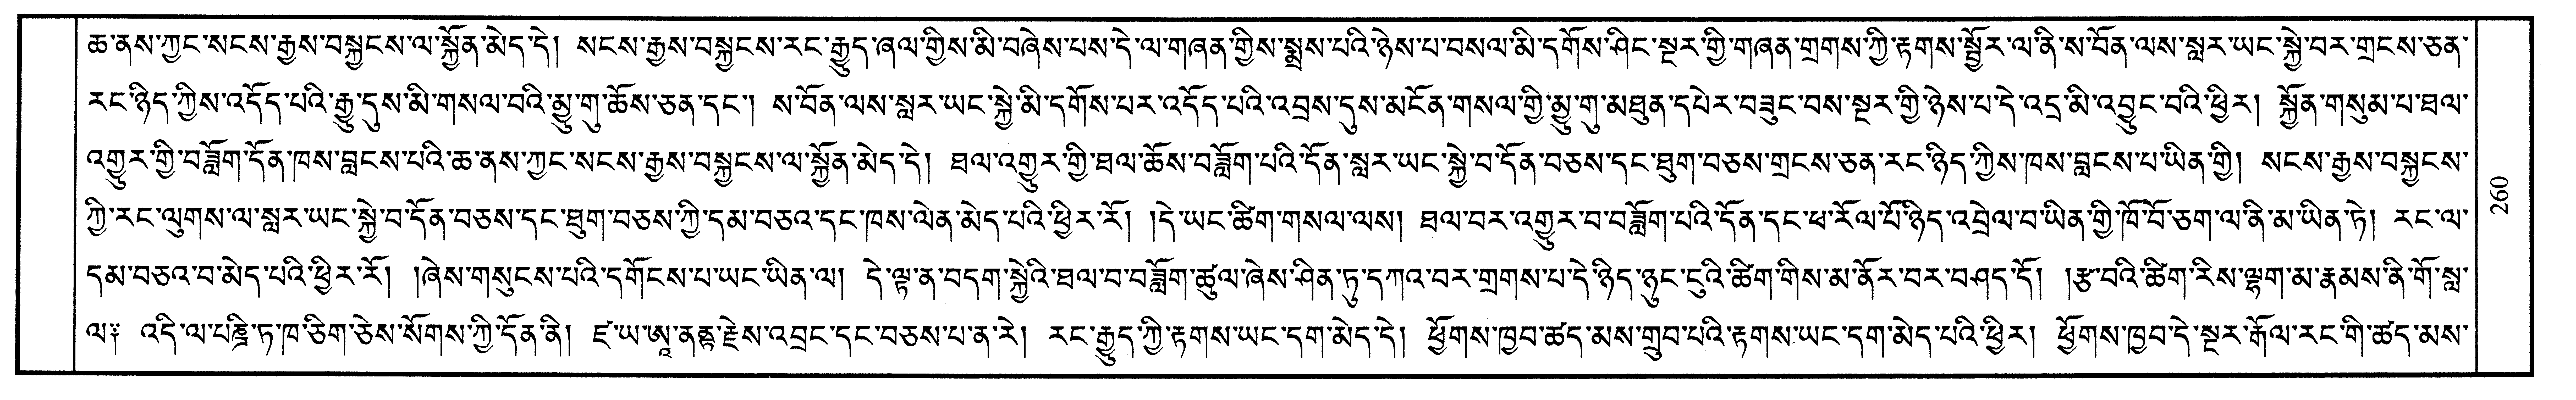ཆ་ནས་ཀྱང་སངས་རྒྱས་བསྐྱངས་ལ་སྐྱོན་མེད་དེ། སངས་རྒྱས་བསྐྱངས་རང་རྒྱུད་ཞལ་གྱིས་མི་བཞེས་པས་དེ་ལ་གཞན་གྱིས་སྨྲས་པའི་ཉེས་པ་བསལ་མི་དགོས་ཤིང་སྔར་གྱི་གཞན་གྲགས་ཀྱི་རྟགས་སྦྱོར་ལ་ནི་ས་བོན་ལས་སླར་ཡང་སྐྱེ་བར་གྲངས་ཅན་
རང་ཉིད་ཀྱིས་འདོད་པའི་རྒྱུ་དུས་མི་གསལ་བའི་མྱུ་གུ་ཆོས་ཅན་དང་། ས་བོན་ལས་སླར་ཡང་སྐྱེ་མི་དགོས་པར་འདོད་པའི་འབྲས་དུས་མངོན་གསལ་གྱི་མྱུ་གུ་མཐུན་དཔེར་བཟུང་བས་སྔར་གྱི་ཉེས་པ་དེ་འདྲ་མི་འབྱུང་བའི་ཕྱིར། །སྐྱོན་གསུམ་པ་ཐལ་
འགྱུར་གྱི་བཟློག་དོན་ཁས་བླངས་པའི་ཆ་ནས་ཀྱང་སངས་རྒྱས་བསྐྱངས་ལ་སྐྱོན་མེད་དེ། ཐལ་འགྱུར་གྱི་ཐལ་ཆོས་བཟློག་པའི་དོན་སླར་ཡང་སྐྱེ་བ་དོན་བཅས་དང་ཐུག་བཅས་གྲངས་ཅན་རང་ཉིད་ཀྱིས་ཁས་བླངས་པ་ཡིན་གྱི། སངས་རྒྱས་བསྐྱངས་
ཀྱི་རང་ལུགས་ལ་སླར་ཡང་སྐྱེ་བ་དོན་བཅས་དང་ཐུག་བཅས་ཀྱི་དམ་བཅའ་དང་ཁས་ལེན་མེད་པའི་ཕྱིར་རོ། །དེ་ཡང་ཚིག་གསལ་ལས། ཐལ་བར་འགྱུར་བ་བཟློག་པའི་དོན་དང་ཕ་རོལ་པོ་ཉིད་འབྲེལ་བ་ཡིན་གྱི་ཁོ་བོ་ཅག་ལ་ནི་མ་ཡིན་ཏེ། རང་ལ་
དམ་བཅའ་བ་མེད་པའི་ཕྱིར་རོ། །ཞེས་གསུངས་པའི་དགོངས་པ་ཡང་ཡིན་ལ། དེ་ལྟ་ན་བདག་སྐྱེའི་ཐལ་བ་བཟློག་ཚུལ་ཞེས་ཤིན་ཏུ་དཀའ་བར་གྲགས་པ་དེ་ཉིད་ཉུང་ངུའི་ཚིག་གིས་མ་ནོར་བར་བཤད་དོ། །རྩ་བའི་ཚིག་རིས་ལྷག་མ་རྣམས་ནི་གོ་སླ་
ལ༑ འདི་ལ་པཎྚི་ཏ་ཁ་ཅིག་ཅེས་སོགས་ཀྱི་དོན་ནི། ཛ་ཡ་ཨཱ་ནནྟ་རྗེས་འབྲང་དང་བཅས་པ་ན་རེ། རང་རྒྱུད་ཀྱི་རྟགས་ཡང་དག་མེད་དེ། ཕྱོགས་ཁྱབ་ཚད་མས་གྲུབ་པའི་རྟགས་ཡང་དག་མེད་པའི་ཕྱིར། ཕྱོགས་ཁྱབ་དེ་སྔར་རྒོལ་རང་གི་ཚད་མས་